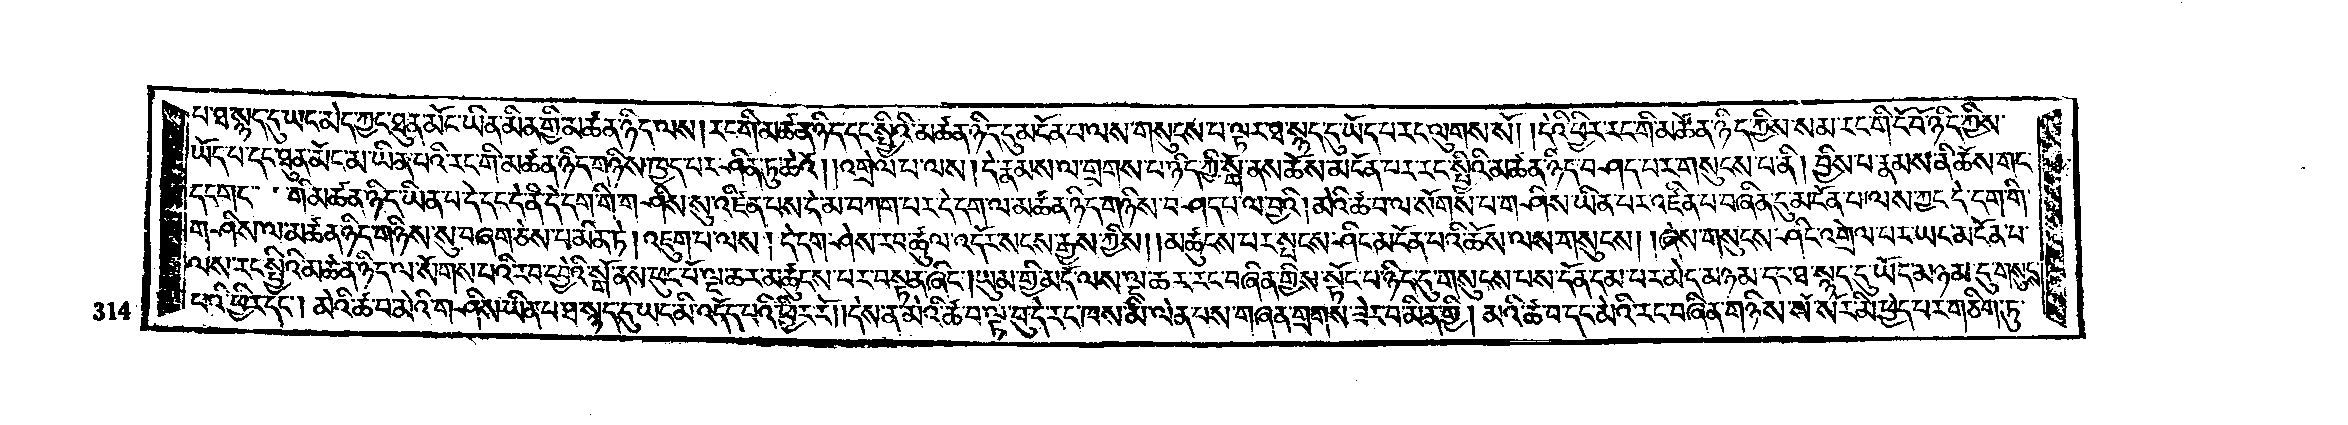པ་ཐ་སྙད་དུ་ཡང་མེད་ཀྱང་ཐུན་མོང་ཡིན་མིན་གྱི་མཚན་ཉིད་ལས། རང་གི་མཚན་ཉིད་དང་སྤྱིའི་མཚན་ཉིད་དུ་མངོན་པ་ལས་གསུངས་པ་ལྟར་ཐ་སྙད་དུ་ཡོད་པ་རང་ལགས་སོ། །དེའི་ཕྱིར་རང་གི་མཚན་ཉིད་ཀྱིས་སམ་རང་གི་ངོ་བོ་ཉིད་ཀྱིས་
ཡོད་པ་དང་ཐུན་མོང་མ་ཡིན་པའི་རང་གི་མཚན་ཉིད་གཉིས་ཁྱད་པར་ཤིན་ཏུ་ཆེའོ། །འགྲེལ་པ་ལས། དེ་རྣམས་ལ་གྲགས་པ་ཉིད་ཀྱི་སྒོ་ནས་ཆོས་མངོན་པར་རང་སྤྱིའི་མཚན་ཉིད་བཤད་པར་གསུངས་པ་ནི། བྱིས་པ་རྣམས་ནི་ཆོས་གང་
དང་གང་གི་མཚན་ཉིད་ཡིན་པ་དེ་དང་དེ་ནི་དེ་དག་གི་ཤིས་སུ་འཛིན་པས་དེ་མ་བཀག་པར་དེ་དག་ལ་མཚན་ཉིད་གཉིས་བཤད་པ་ལ་བྱའི། མེའི་ཚ་བ་ལ་སོགས་པ་གཤིས་ཡིན་པར་འཛིན་པ་བཞིན་དུ་མངོན་པ་ལས་ཀྱང་དེ་དག་གི་
གཤིས་ལ་མཚན་ཉིད་གཉིས་སུ་བཞག་ཅེས་པ་མིན་ཏེ། འཇུག་པ་ལས། དེ་དག་ཤེས་རབ་ཚུལ་འདོར་སངས་རྒྱས་ཀྱིས། །མཚུངས་པར་སྤངས་ཤིང་མངོན་པའི་ཆོས་ལས་གསུངས། །ཞེས་གསུངས་ཤིང་འགྲེལ་པར་ཡང་མངོན་པ་
ལས་རང་སྤྱིའི་མཚན་ཉིད་ལ་སོགས་པའི་རབ་དབྱེའི་སྒོ་ནས་ཕུང་པོ་ལྔ་ཆར་མཚུངས་པར་བསྟན་ཞིང་། ཡུམ་གྱི་མདོ་ལས་ལྔ་ཆར་རང་བཞིན་གྱིས་སྟོང་པ་ཉིད་དུ་གསུངས་པས་དོན་དམ་པར་མེད་མཉམ་དང་ཐ་སྙད་དུ་ཡོད་མཉམ་དུ་གསུངས་
པའི་ཕྱིར་དང་། མེའི་ཚ་བ་མེའི་གཤིས་ཡིན་པ་ཐ་སྙད་དུ་ཡང་མི་འདོད་པའི་ཕྱིར་རོ། །དེས་ན་མེའི་ཚ་བ་ལྟ་བུ་དེ་རང་ཁས་མི་ལེན་པས་གཞན་གྲགས་ཟེར་བ་མིན་གྱི། མའི་ཚ་བ་དང་མེའི་རང་བཞིན་གཉིས་སོ་སོར་མི་ཕྱེད་པར་གཅིག་ཏུ་